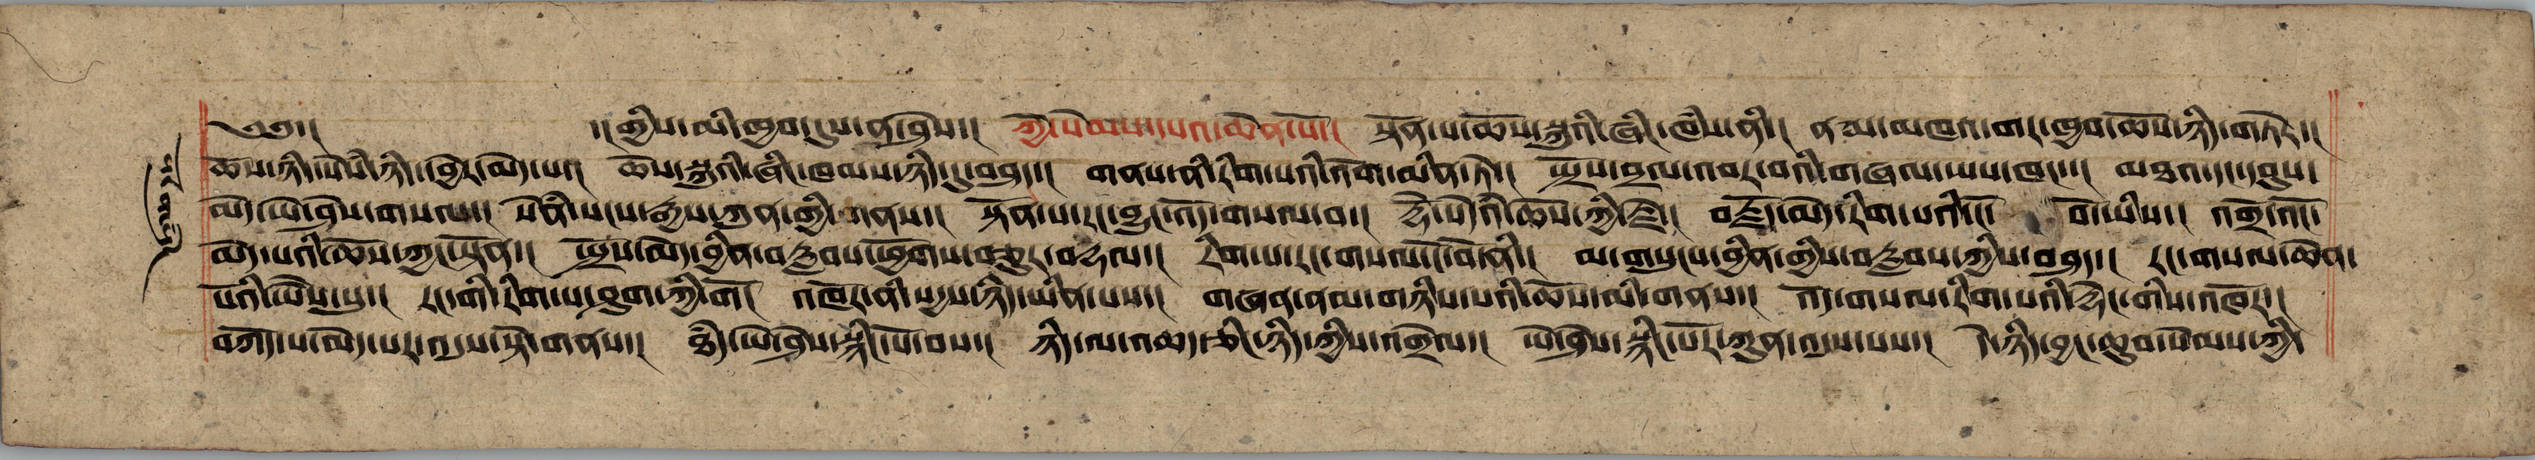༄༅་། ་།གྱིས་མི་ཁྱབ་དུས་ན་ཤེས་། ཀྱེ་སེམས་དཔའ་ཆེན་པོ་། སྟོན་པ་ཆོས་སྐུའི་ཞིང་ཁཾས་ནི་། ནམ་མཁའ་གར་ཁྱབ་ཆོས་ཉིད་གཏེར་།
ཆོས་ཉིད་སེཾས་ཉིད་དབྱེར་མེད་པ་། ཆོས་སྐུའི་ཞིང་ཁམས་ཉིད་དུ་བཤད་། གནས་ནི་རིག་པའི་འོག་མིན་ཏེ་། སྤྲོས་བྲལ་འབར་བའི་གཞལ་ཡས་ཁང་་། མཐའ་དང་དབུས་
མེད་ཡེ་ཤེས་གསལ་། སེནཾ་སངས་རྒྱས་ཀུན་གྱི་གནས་། སྟོན་པ་རང་བྱུང་འོད་གསལ་བ་། རྡོེ་སེདཾའ་ཆོས་ཀྱི་རྗེ་། བརྗོད་མེད་རིག་པའི་ངོ་བོ་ཡིས་། འགྲོ་འོང་
མེད་པའི་ཆོས་ཀྱང་སྟོན་། སྤྲོས་མེད་བྱིན་བརླབས་ཕྱོགས་བཅུར་བརྡལ་། རིག་པ་རང་གསལ་ངོ་བོ་ནི་། མ་གསུངས་བྱིན་གྱིས་བརླབས་ཀྱིས་བཤད་། རང་གསལ་ཆེན
པོའི་ཡཻས་སུ་། རང་གི་རིག་པ་ཤུག་ཀྱི་གོ། འཁོར་ནི་སདྱས་ཉིད་ཡིན་པས་། གཞན་ནམ་གཉིས་པའི་ཆོས་མི་གནས་། འོད་གསལ་རིག་པའི་རྡེང་གིས་འཁོར་།
བཀོད་པ་མེད་པར་འདུས་སྟེ་གནས་། ཐཾད་ཡེ་ཤེས་སྙིང་པོ་བས་། ཉིད་ལ་འཆད་ཅིང་ཉིད་ཀྱིས་འགྲེལ་། ཡེ་ཤེས་སྙིང་པོར་ཀུན་འདུས་པས་། དེ་ཉིད་བྱང་ཆུབ་སེམས་ཀྱི་